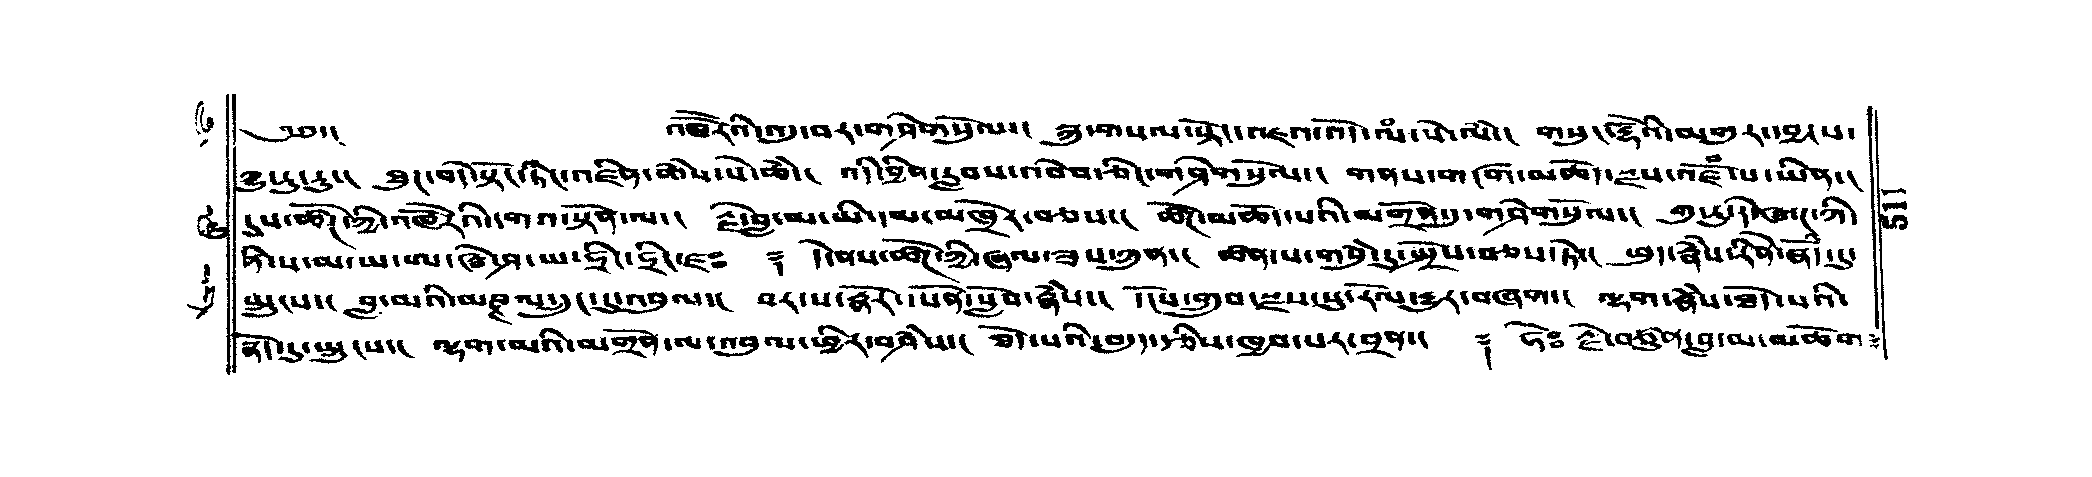འཁོར་ལོའི་འདུ་བར་གཤེགས་སུ་གསོལ། །སྐུ་གསལ་སྟོང་འཇའ་འོད་ལཾ་སེ་ལཾ། །གསུང་རྡོ་རྗེའི་མགུར་དབྱངས་
ཀྱུ་རུ་རུ། །ཐུགས་བདེ་སྟོང་ཏིང་འཛིན་ཆམ་སེ་ཆམ། ། འདི་བྱིན་རླབས་འབེབ་ཅིང་གཤེགས་སུ་གསོལ། །གནས་གདམས་ངག་མཆོད་རྫས་འཛོམ་པ་ཡིན། །
དུས་ཚོགས་ཀྱི་འཁོར་ལོའི་དགའ་སྟོན་ལ། །རྗེ་བླ་མ་ཡི་དམ་མཁའ་འགྲོར་བཅས། །ཚོགས་མཆོད་པའི་མགྲོན་དུ་གཤེགས་སུ་གསོལ། །གུ་རུ་དེ་ཝ་ཌཱ་ཀི་
ནི་ས་མ་ཡ་ཨ་ཝེ་ཤ་ཡ་ཧྲིང་ཧྲིང་ཛཿ ༈ དེ་ནས་ཚོགས་ཀྱི་ཞལ་ཟས་ཀུན། །ཚན་པ་གསུམ་དུ་སྤྲོས་བཅས་ཏེ། །ཕུད་རྣམས་རིན་ཆེན་སྣོད་དུ་
སྤུངས་བ་མའི་མཎྡྲལ་དྲུང་དུ་འབུལ། བར་པ་རྣ་པར་དཔོན་སློབ་རྣམས། དངོས་གྲུབ་རྫས་སུ་རོལ་རྒྱུར་བཞག ལྒ་རྣམས་ཐོད་པའི་
སྣོད་དུ་སྤུངས། །ལྷག་མའི་མགྲོན་ལ་འབུལ་ཕྱིར་བཤམས། །ཐོད་པའིལབདུད་རྩི་ཁྱབ་པར་བྲན། ། ༈ རྗེ་བཙུན་བླ་མ་མཆོག་དང་